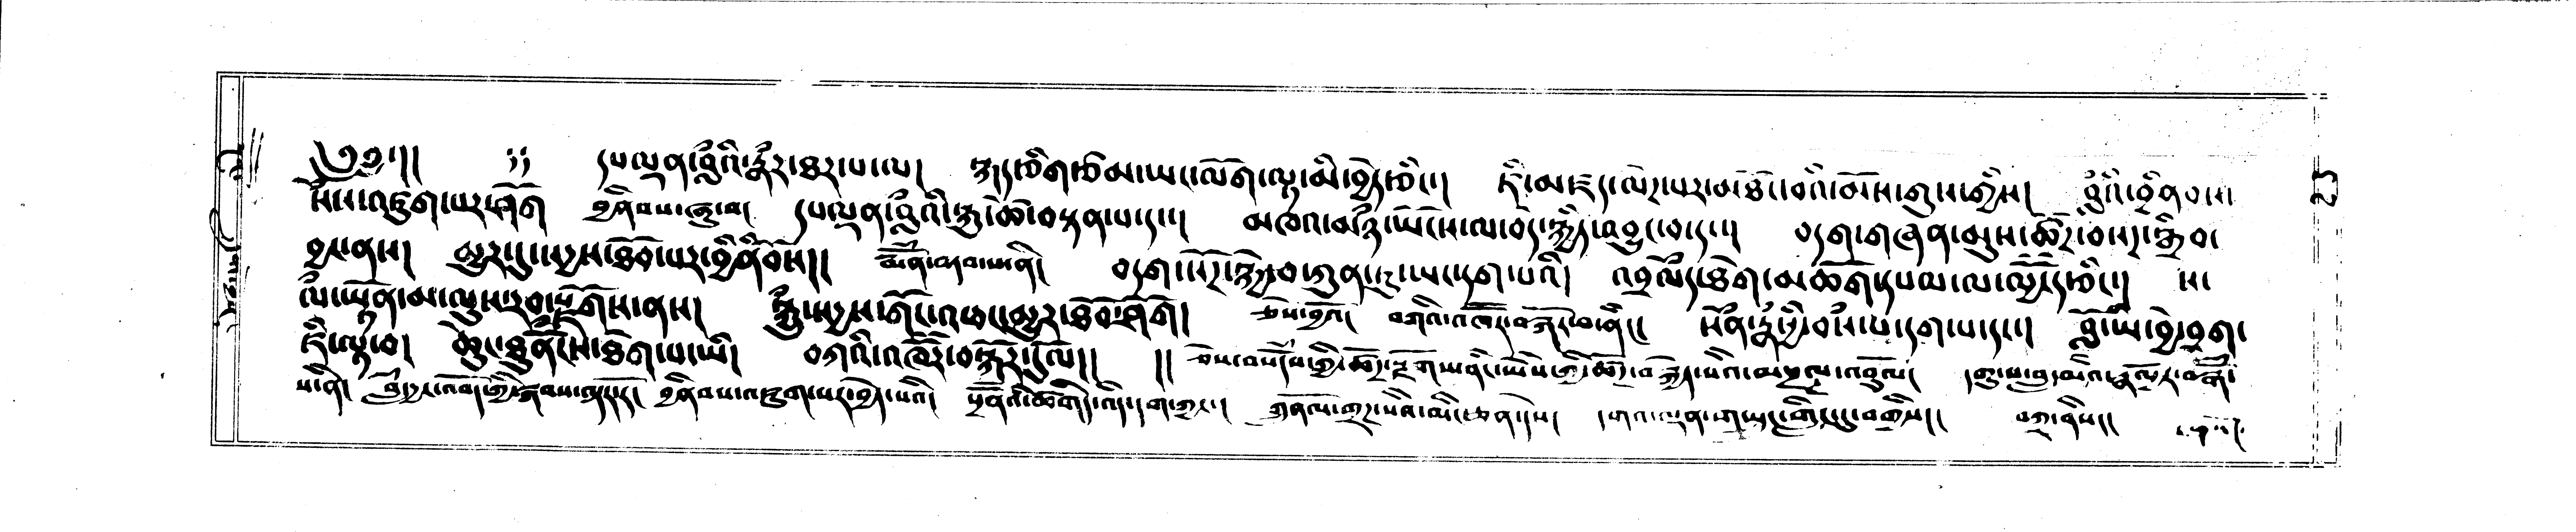དཔལ་ལྡན་བླ་མའི་རྣམ་པར་ཐར་པ་ལ། །སྐད་ཅིག་ཙམ་ཡང་ལོག་ལྟ་མི་བྱེད་ཅིང་། །ཇི་མཛད་ལེགས་པར་མཐོང་བའི་མོས་གུས་ཀྱིས། །བླ་མའི་བྱིན་རླབས་
སེམས་ལ་འཇུག་པར་ཤོག །བྱིན་རླབས་ཞུ་བ། དཔལ་ལྡན་བླ་མའི་སྐུ་ཚེ་བརྟན་པ་དང་། །མཁའ་མཉམ་ཡོངས་ལ་བདེ་སྐྱིད་འབྱུང་བ་དང་། །བདག་གཞན་མ་ལུས་ཚོགས་བསགས་སྒྲིབ་
བྱང་ནས། །མྱུར་དུ་སངས་རྒྱས་ཐོབ་པར་བྱིན་གྱིས་རློབས། །སྨོན་ལམ་གདབ་པ་ནི། བདག་སོགས་སྐྱེ་བ་ཀུན་ཏུ་ཡང་དག་པའི། །འབྲལ་མེད་ཐེག་མཆོག་དཔལ་ལ་ལོངས་སྤྱོད་ཅིང་། །ས་
ལམ་ཡོིན་ཏན་མ་ལུས་རབ་རྫོགས་ནས། །སྐུ་གསུམ་སངས་རྒྱས་གོ་འཕང་མྱུར་ཐོབ་ཤོག། །།ཅེས་བྱའོ། །བཀའི་འཁོར་ལོ་བསྐོར་བ་ནི། སེམས་ཅན་རྣམས་ཀྱི་བསམ་པ་དག་པ་དང་། །བློ་ཡི་བྱེ་བྲག་
ཇི་ལྟ་བ། །ཆེ་ཆུང་ཐུན་མོང་ཐེག་པ་ཡི། །བཀའ་ཡི་འཁོར་ལོ་བསྐོར་དུ་གསོལ། །ཅེས་བསོད་ནམས་ཀྱི་ཚོགས་རྫོགས་ཤིང་ཡེ་ཤེས་ཀྱི་ཚོགས་བསྐྱེད་པའི་མཎྜལ་འབུལ་ལོ། །དགུ་པ་བླ་མའི་རྣལ་འབྱོར་བསྒོམ་
པ་ནི། བླ་མ་རྒྱང་འབོད་ཀྱི་སྐབས་ལྟར་རོ། །བྱིན་རླབས་འཇུག་པར་བྱེད་པའི། སྔོན་འགྲོའི་ཚིགས་བཤད་འདི་དག་ཀྱང་། ཀུན་གྲོལ་གྲགས་པའི་མིང་ཅན་དེས། །དགའ་ལྡན་གཡུང་དྲུང་གླིང་དུ་བགྱིས། །བཀྲ་ཤིས། ཞུས་སོ།། །།